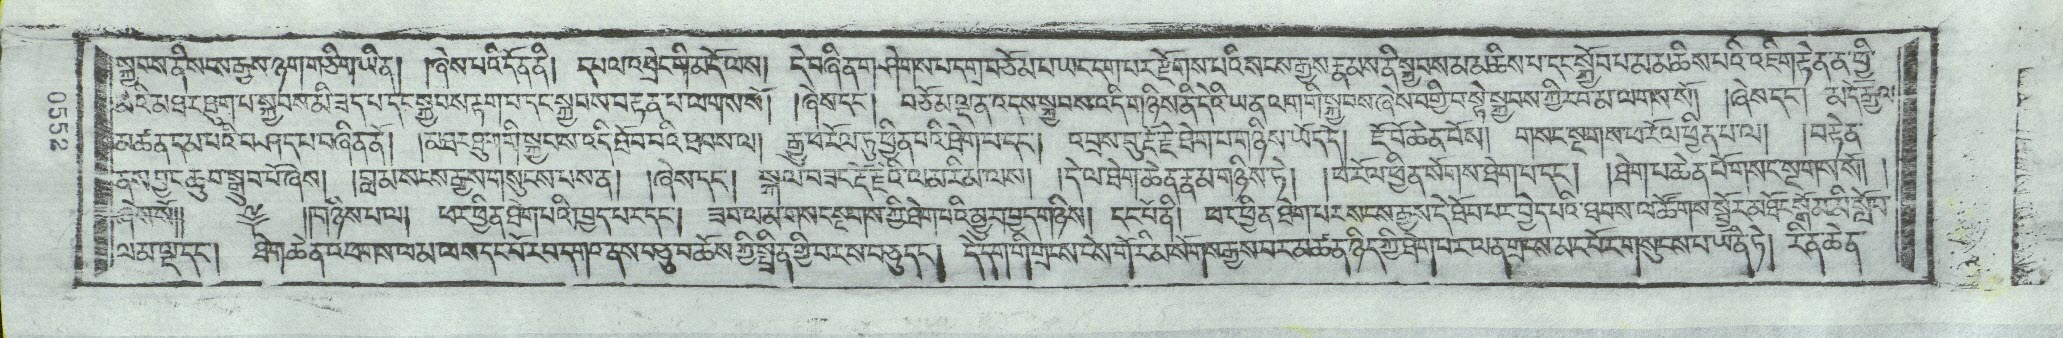སྐྱབས་ནི་སངས་རྒྱས་ཉག་གཅིག་ཡིན། །ཞེས་པའི་དོན་ནི། དཔལ་འཕྲེང་གི་མདོ་ལས། དེ་བཞིན་གཤེགས་པ་དགྲ་བཅོམ་པ་ཡང་དག་པར་རྫོགས་པའི་སངས་རྒྱས་རྣམས་ནི་སྐྱབས་མ་མཆིས་པ་དང་སྐྱོབ་པ་མ་མཆིས་པའི་འཇིག་རྟེན་ན་ཕྱི་
མའི་མཐར་ཐུག་པ་སྐྱབས་མི་ཟད་པ་དང་སྐྱབས་རྟག་པ་དང་སྐྱབས་བརྟན་པ་ལགས་སོ། །ཞེས་དང་། བཅོམ་ལྡན་འདས་སྐྱབས་འདི་གཉིས་ནི་དེའི་ཡན་ལག་གི་སྐྱབས་ཞེས་བགྱི་བ་སྟེ་སྐྱབས་ཀྱི་རབ་མ་ལགས་སོ། །ཞེས་དང་། མདོ་རྒྱལ་
མཚན་དམ་པའི་བཤད་པ་བཞིན་ནོ། །མཐར་ཐུག་གི་སྐྱབས་འདི་ཐོབ་པའི་ཐབས་ལ། རྒྱུ་ཕ་རོལ་ཏུ་ཕྱིན་པའི་ཐེག་པ་དང་། འབྲས་བུ་རྡོ་རྗེ་ཐེག་པ་གཉིས་ཡོད་དེ། ཇོ་བོ་ཆེན་པོས། གསང་སྔགས་ཕ་རོལ་ཕྱིན་པ་ལ། །བརྟེན་
ནས་བྱང་ཆུབ་སྒྲུབ་པོ་ཞེས། །བླ་མ་སངས་རྒྱས་གསུངས་པས་ན། །ཞེས་དང་། སྐལ་བཟང་རྡོ་རྗེའི་ལམ་རིམ་ལས། །དེ་ལ་ཐེག་ཆེན་རྣམ་གཉིས་ཏེ། །ཕ་རོལ་ཕྱིན་སོགས་ཐེག་པ་དང་། །ཐེག་པ་ཆེན་པོ་གསང་སྔགས་སོ། །
ཞེས་སོ།། ༈ །།གཉིས་པ་ལ། ཕར་ཕྱིན་ཐེག་པའི་ཁྱད་པར་དང་། ཟབ་ལམ་གསང་སྔགས་ཀྱི་ཐེག་པའི་མྱུར་ཁྱད་གཉིས། དང་པོ་ནི། ཕར་ཕྱིན་ཐེག་པར་སངས་རྒྱས་དེ་ཐོབ་པར་བྱེད་པའི་ཐབས་ལ་ཚོགས་སྦྱོར་མཐོང་སྒོམ་མི་སློབ་
ལམ་ལྔ་དང་། ཐེག་ཆེན་འཕགས་ལམ་ལས་དང་པོ་རབ་དགའ་ནས་བཅུ་བ་ཆོས་ཀྱི་སྤྲིན་གྱི་བར་ས་བཅུ་དང་། དེ་དག་གི་གྲངས་ངེས་གོ་རིམ་སོགས་རྒྱས་པར་མཚན་ཉིད་ཀྱི་ཐེག་པར་ལན་གྲངས་མང་པོར་གསུངས་པ་ཡིན་ཏེ། རིན་ཆེན་